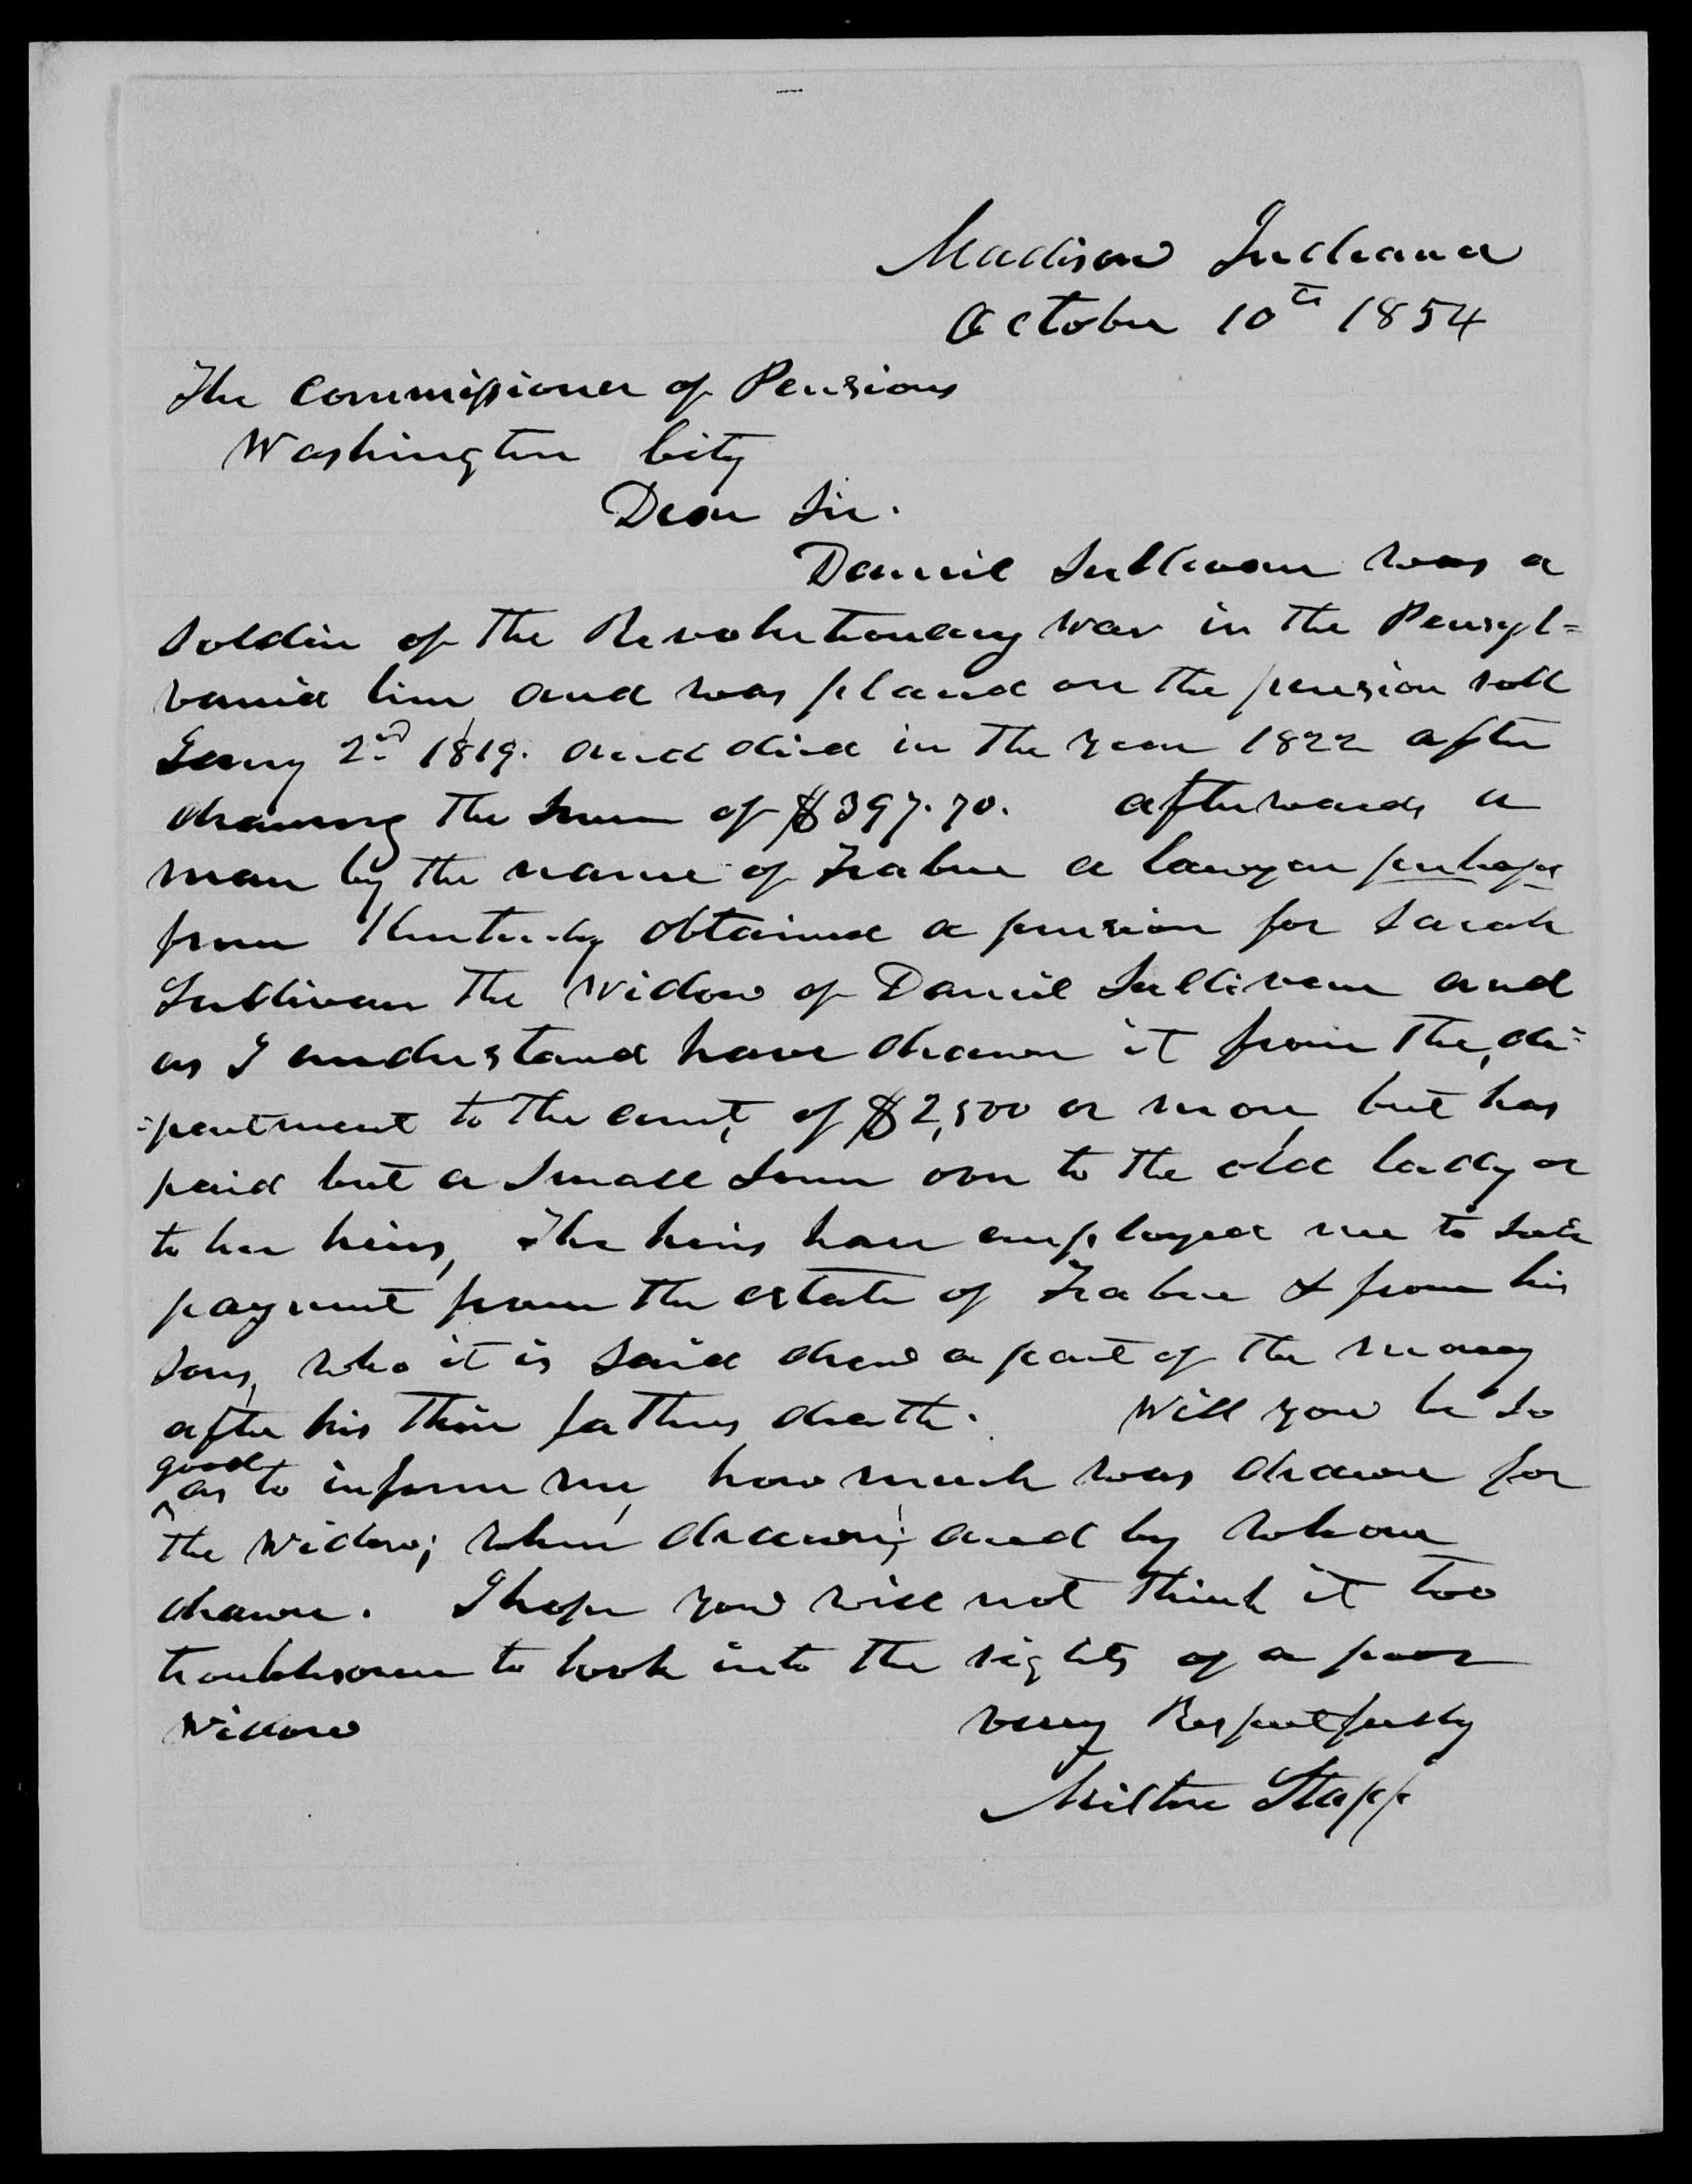Madison Indiana
October 10th 1854

The Commissioner of Pensions
Washington City

Dear Sir.

Daniel Sullivan was a soldier of the Revolutionary war in the Pensylvania line and was placed on the pension roll Jany 2nd, 1819, and died in the year 1822 after claiming the sum of $397.70. Afterwards, a man by the name of Trabue a lawyer perhaps from Kentucky obtained a pension for Sarah Sullivan the widow of Daniel Sullivan and as I understand have drawn it from the department to the amt of $2,500 or more but has paid but a small sum out to the old lady or to her heirs, the heirs have employed me to take payment from the estate of Trabue & from his sons, who it is said shared a part of the money after his their fathers death. Will you be so good as to inform me how much was shown for the widow, who's deceased, and by whom drawn. I hope you will not think it too troublesome to look into the rights of a poor widow

Very Respectfully
[signed] Milton Stapp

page: 52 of 78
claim: widow's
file: W. 25,169, for Daniel Sullivan, Maryland